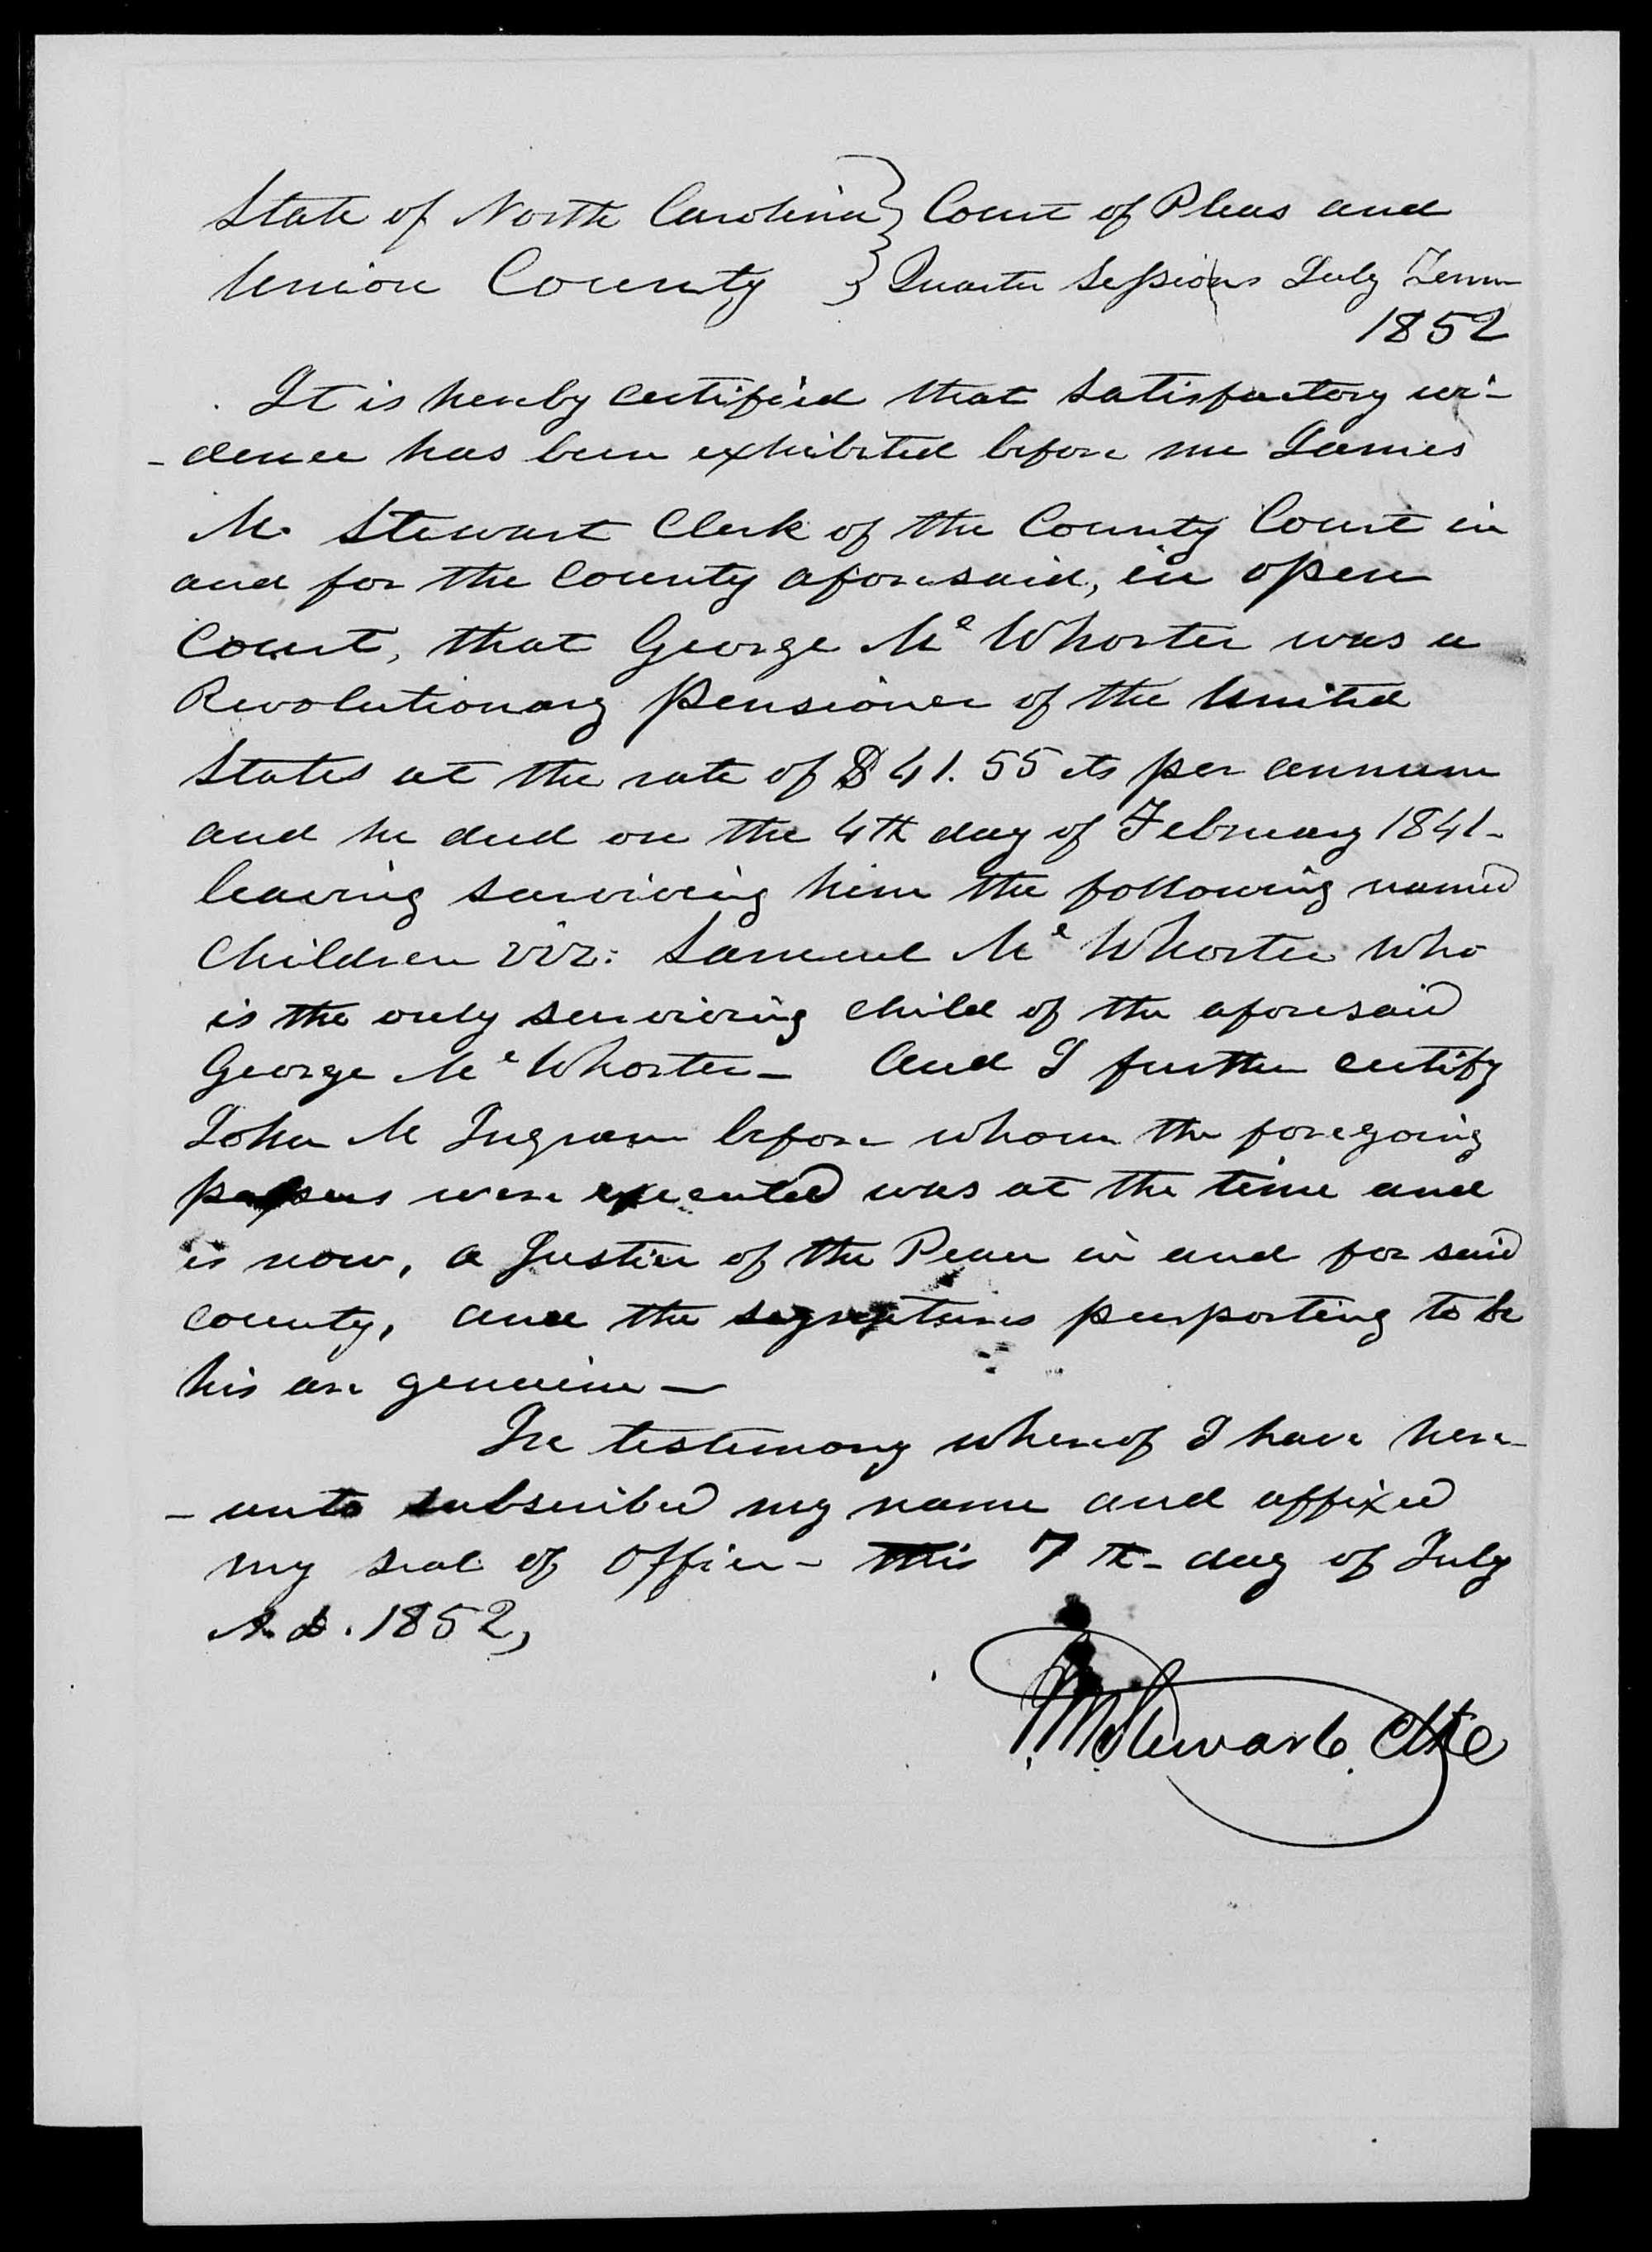State of North Carolina
Union County
Court of Pleas and Quarter Sessions
July Term 1852
It is hereby certified that satisfactory evidence has been exhibited before me James M Stewart Clerk of the County Court in and for the county aforesaid, in open Court, that George McWhorter was a Revolutionary Pensioner of the United States at the rate of $41.55 per annum and he died on the 4th day of February 1841, leaving surviving him the following named children viz: Samuel McWhorter who is the only surviving child of the aforesaid George McWhorter. And I further certify John M Ingram before whom the foregoing papers were executed was at the time and is now, a Justice of the Peace in and for said county, and the signatures purporting to be his are genuine--
In testimony whereof I have hereunto subscribed my name and affixed my seal of office--this 7th day of July AD. 1852
JM Stewart ( signed / sealed ) CCC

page: 6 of 35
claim: survivor's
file: S. 9,011, for George Mc Whorter, North Carolina